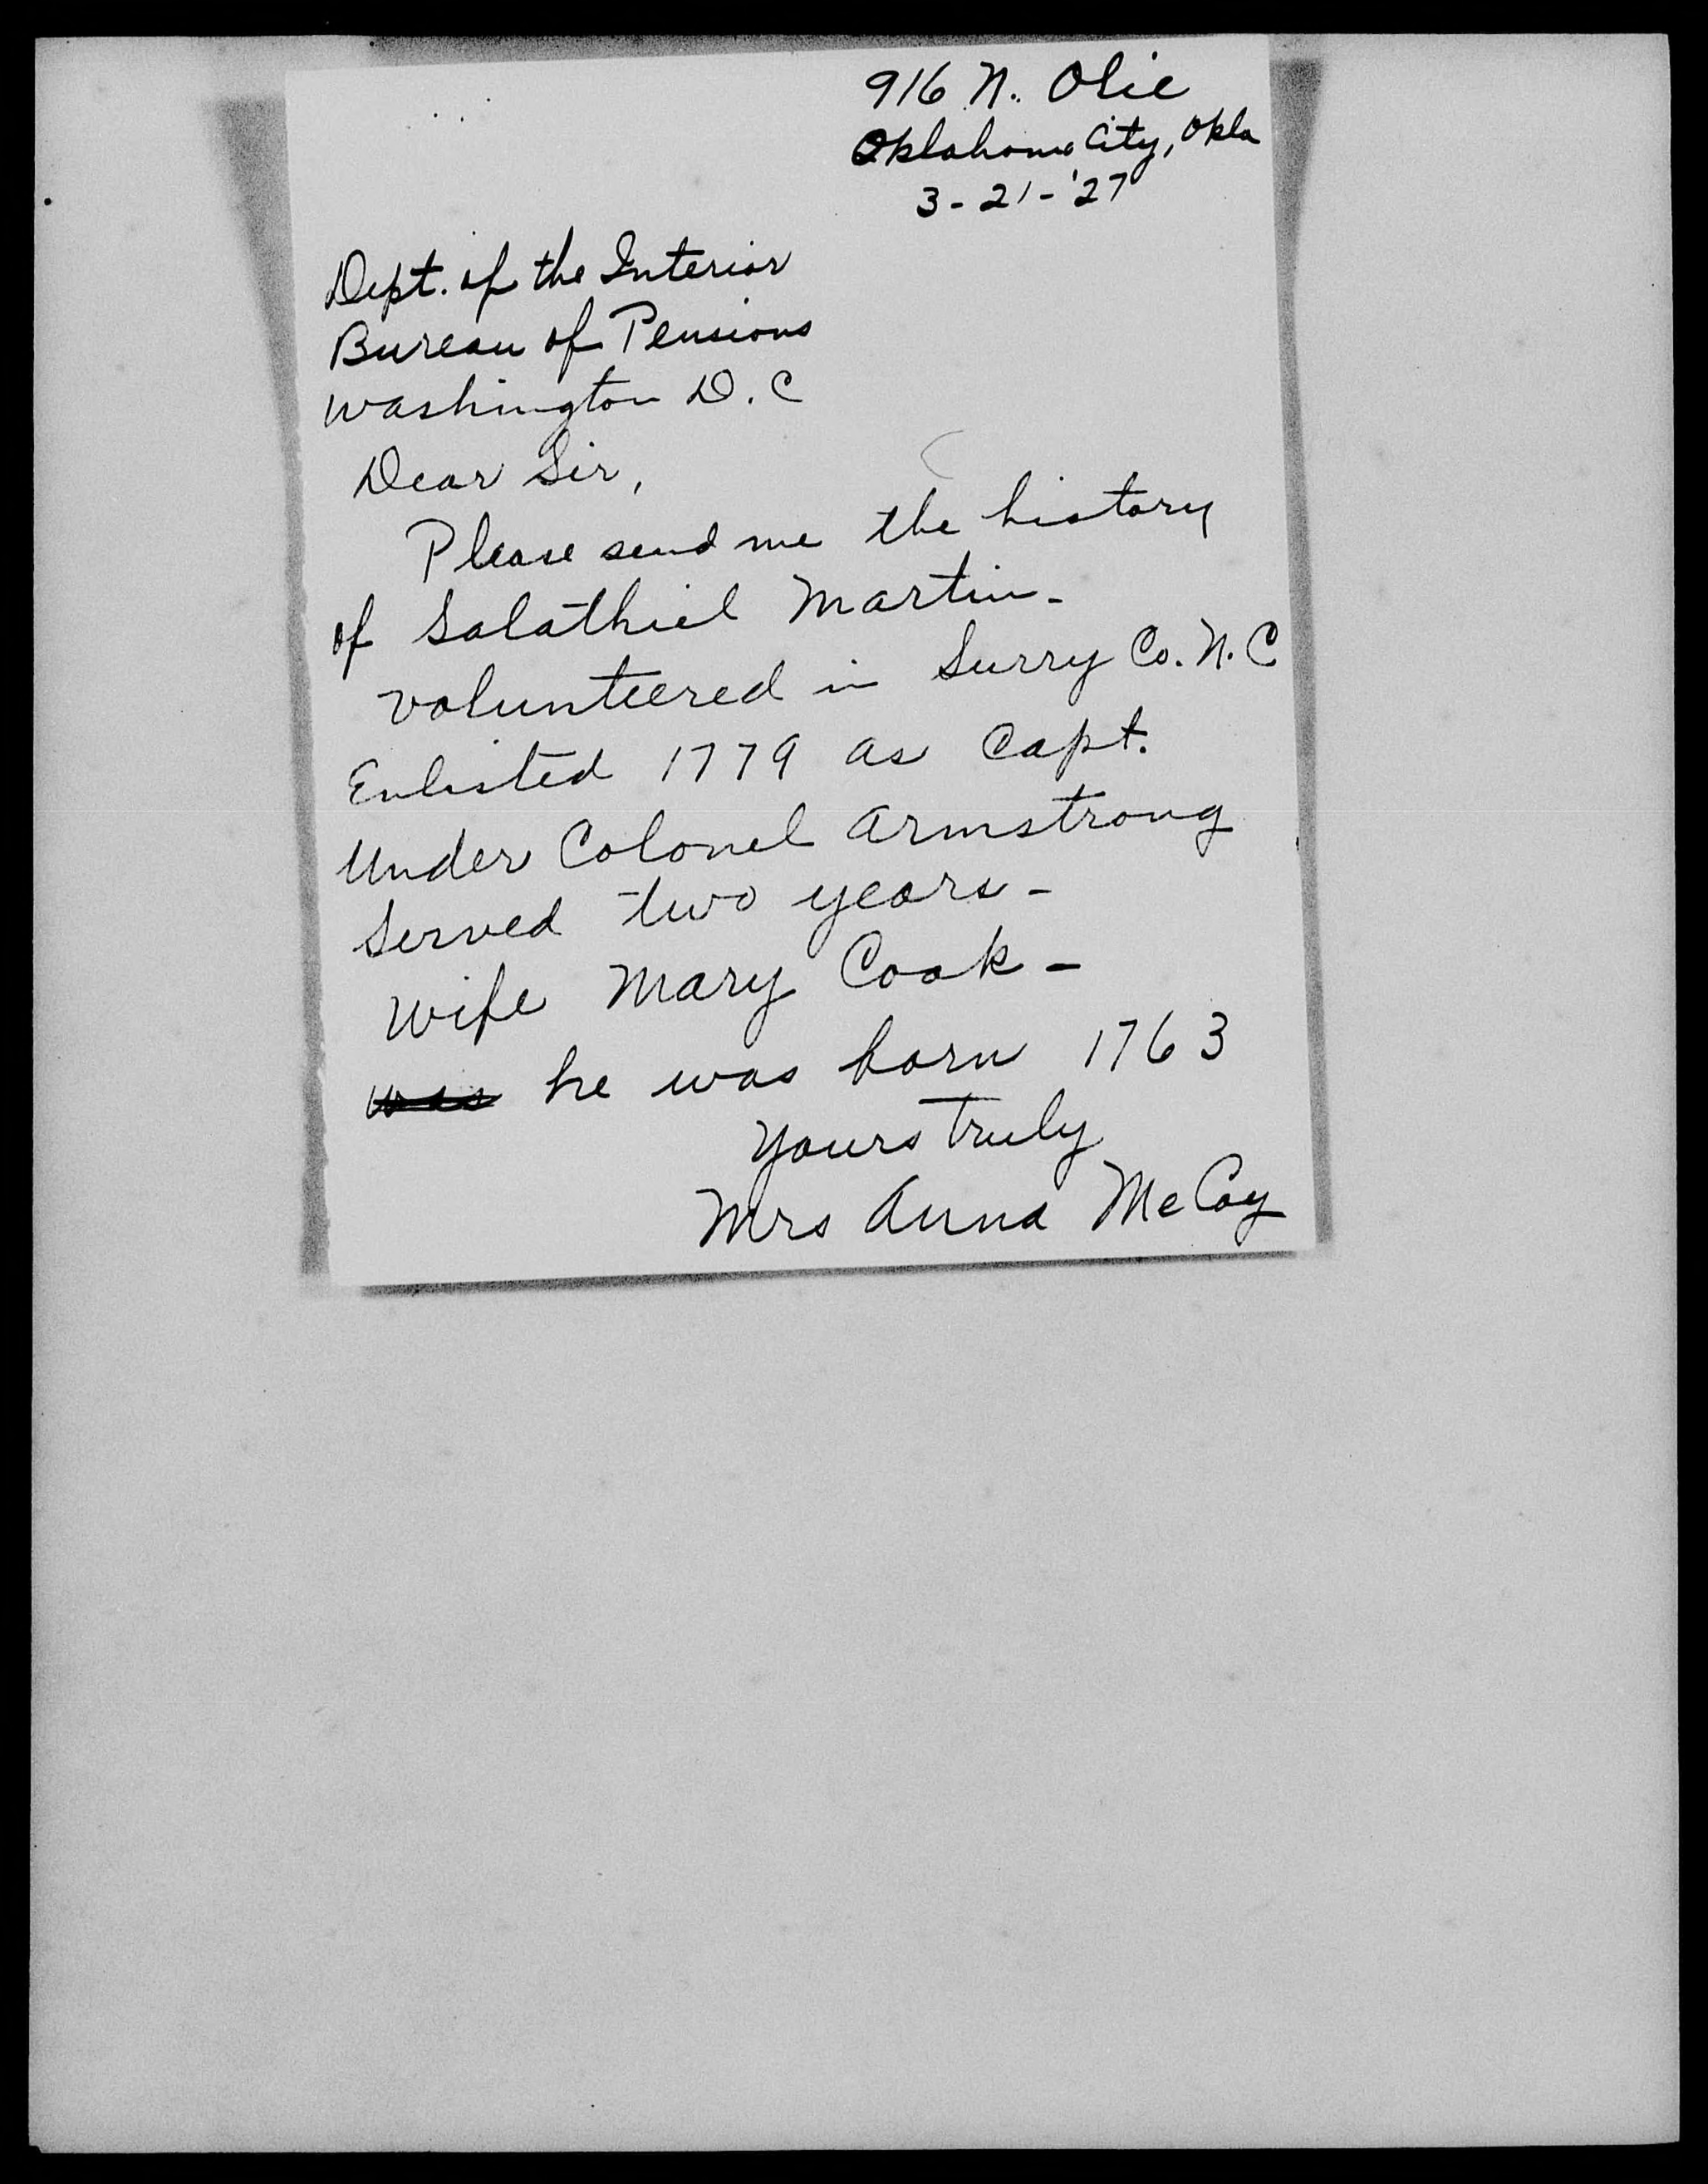916 N. Olie 
Oklahoma City, Okla 
3-21-'27 
Dept. of the Interior 
Bureau of Pensions 
Washington D.C 
Dear Sir, 
Please send me the history 
of Salathiel Martin.
volunteered in Surry Co. N.C 
Enlisted 1779 as Capt. 
under Colonel Armstrong 
Served two years. 
wife Mary Cook- 
he was born 1763 
yours truly 
Mrs Anna McCoy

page: 31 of 120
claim: widow's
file: W. 1044, for Salathiel Martin, North Carolina